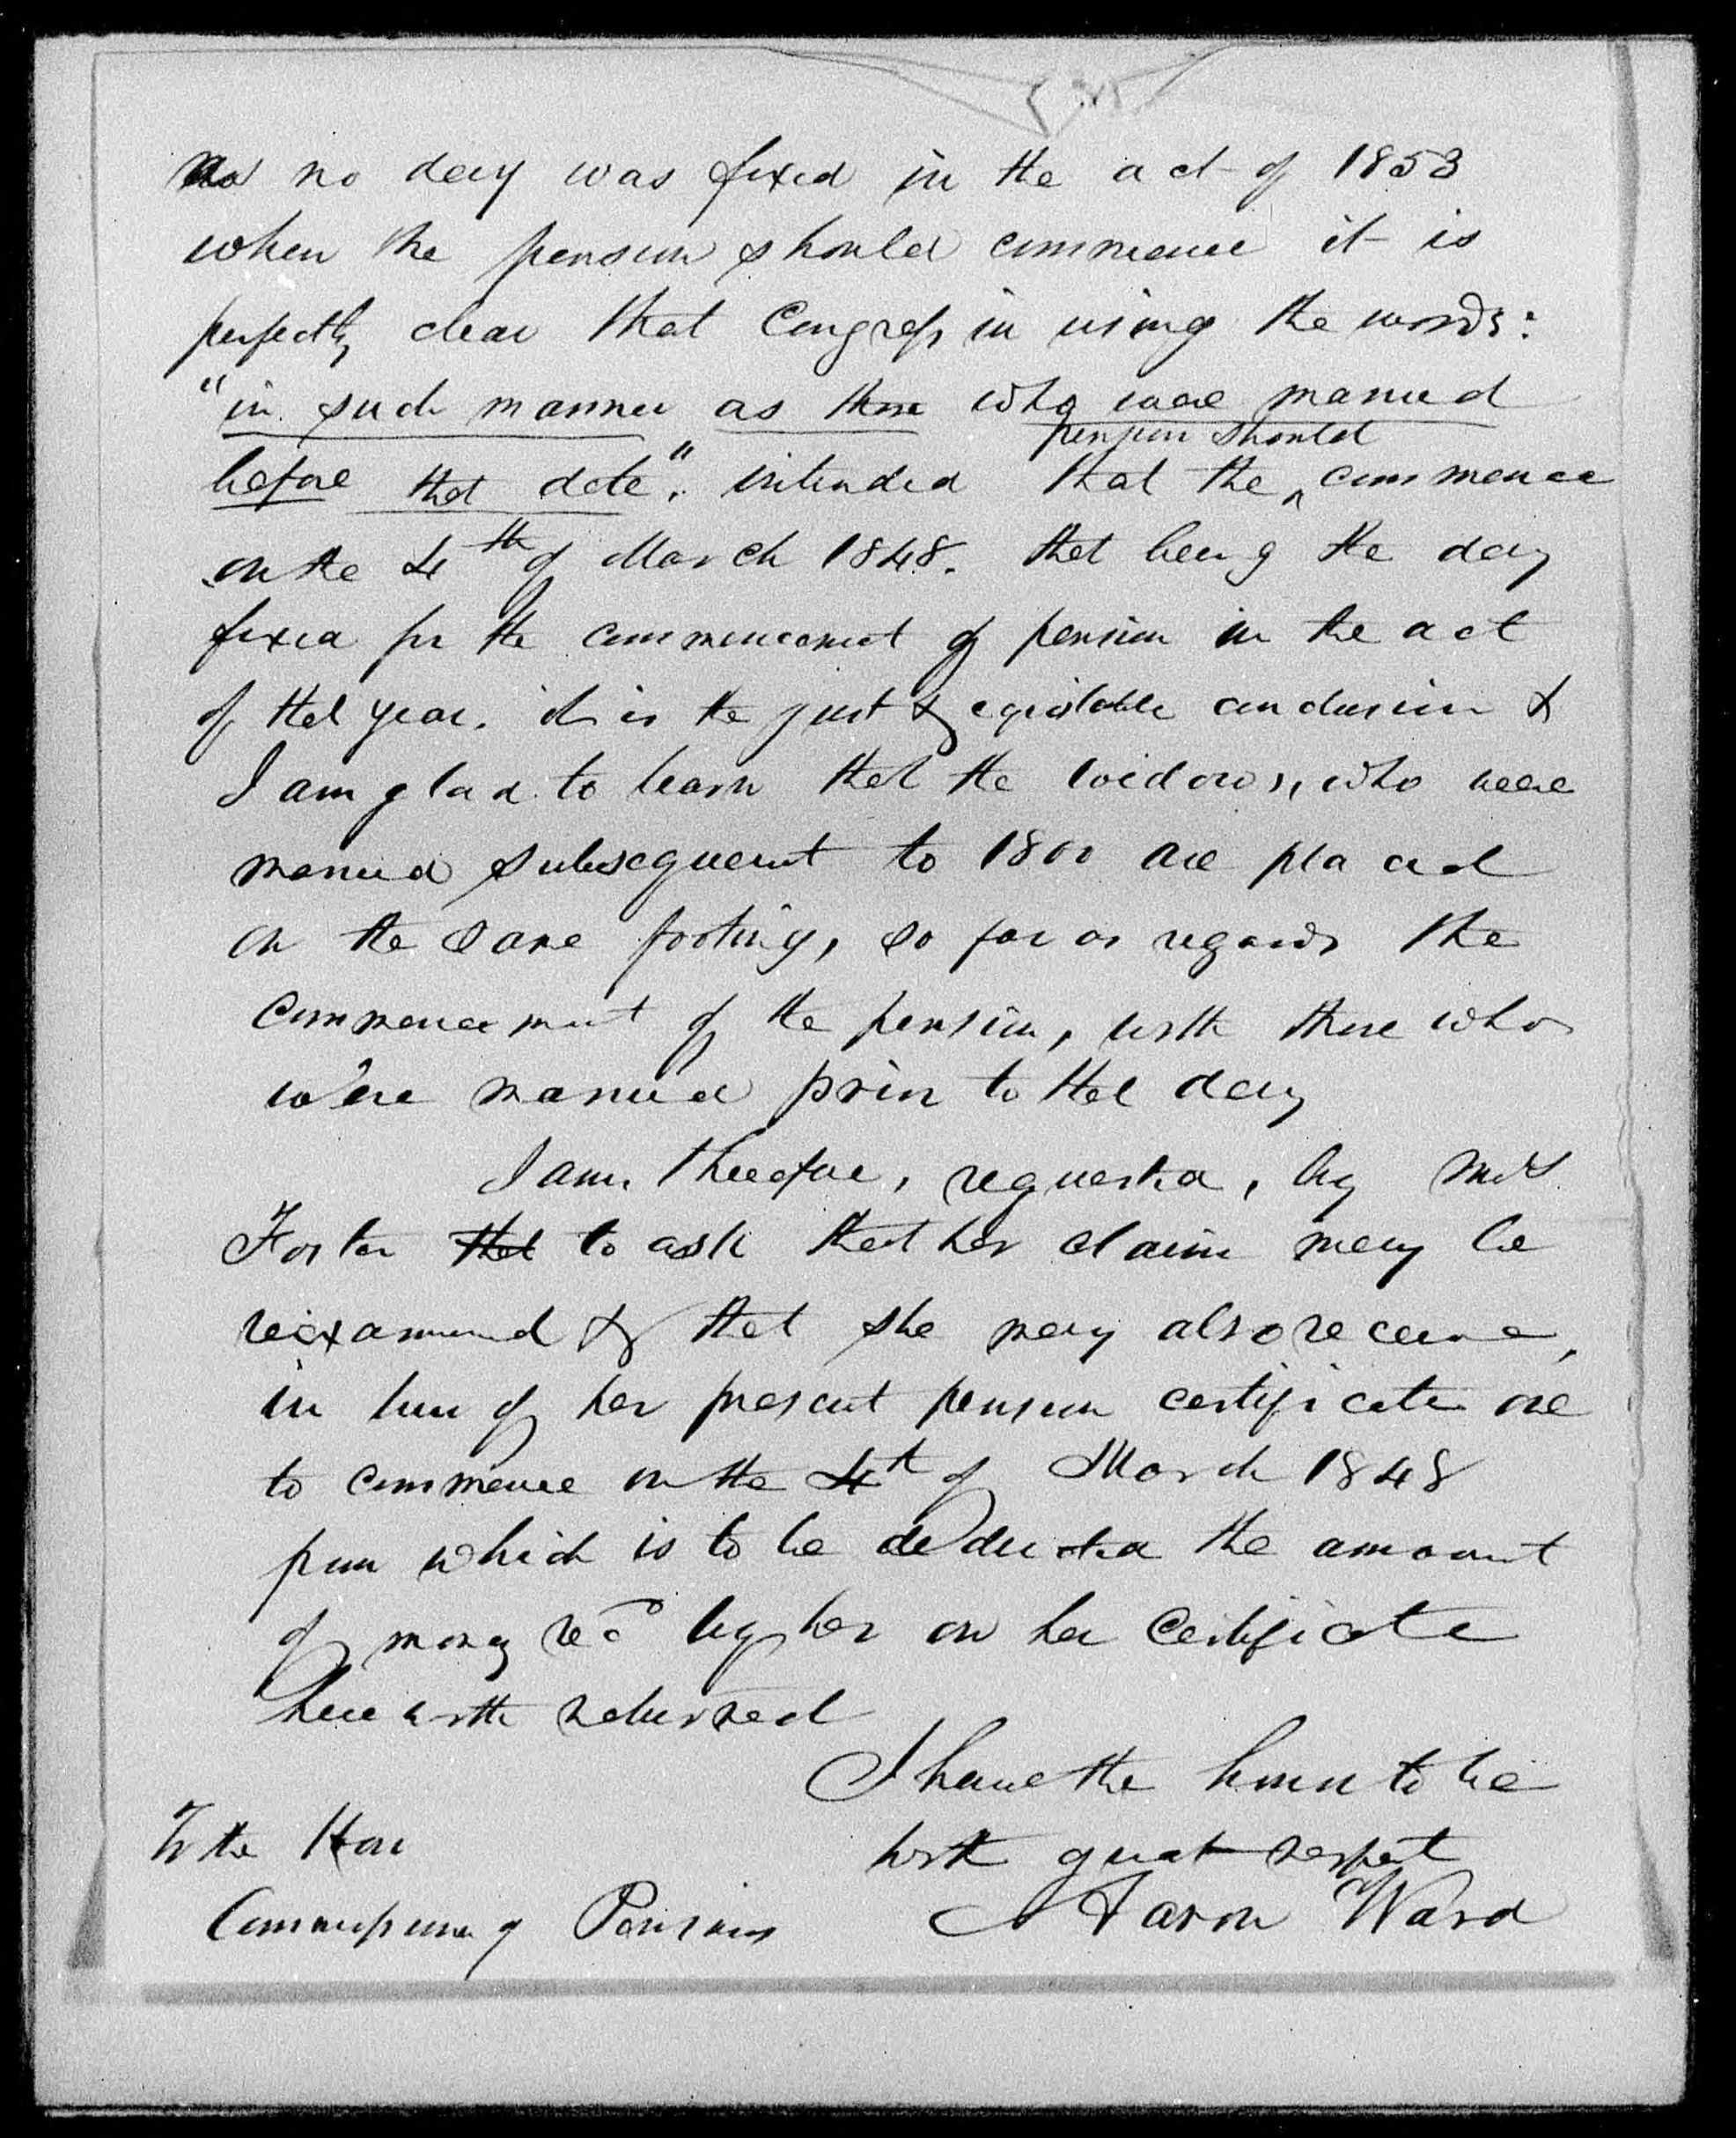no day was fixed in the act of 1853 when the pension should commence it is perfectly clear that Congress in using the words: "in such manner as these who were named before that date" intended that the pension should commence on the 4th day of March 1848. That being the day fixed for the commencement of the pension in the act of that year. It is the just & equitable conclusion & I am glad to learn that the widows, who were named subsequent to 1800 are placed on the same footing, so for as regards the commencement of the pension, with these who were named prior to the day.

I am therefore, requested, by Mrs. Foster to ask that her claim may be re-examined & that she may also receive, in lieu of her present pension certificate one to commence on the 4th of March 1848 from which is to be deducted the amount of money recd. by her on her certificate herewith returned.
I have the honor to be with great respect
Aaron Ward

To the Hon Commissioner of Pensions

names: Aaron Ward, Foster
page: 36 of 57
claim: widow's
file: W. 5275 1/2, Michael Foster, Penn.